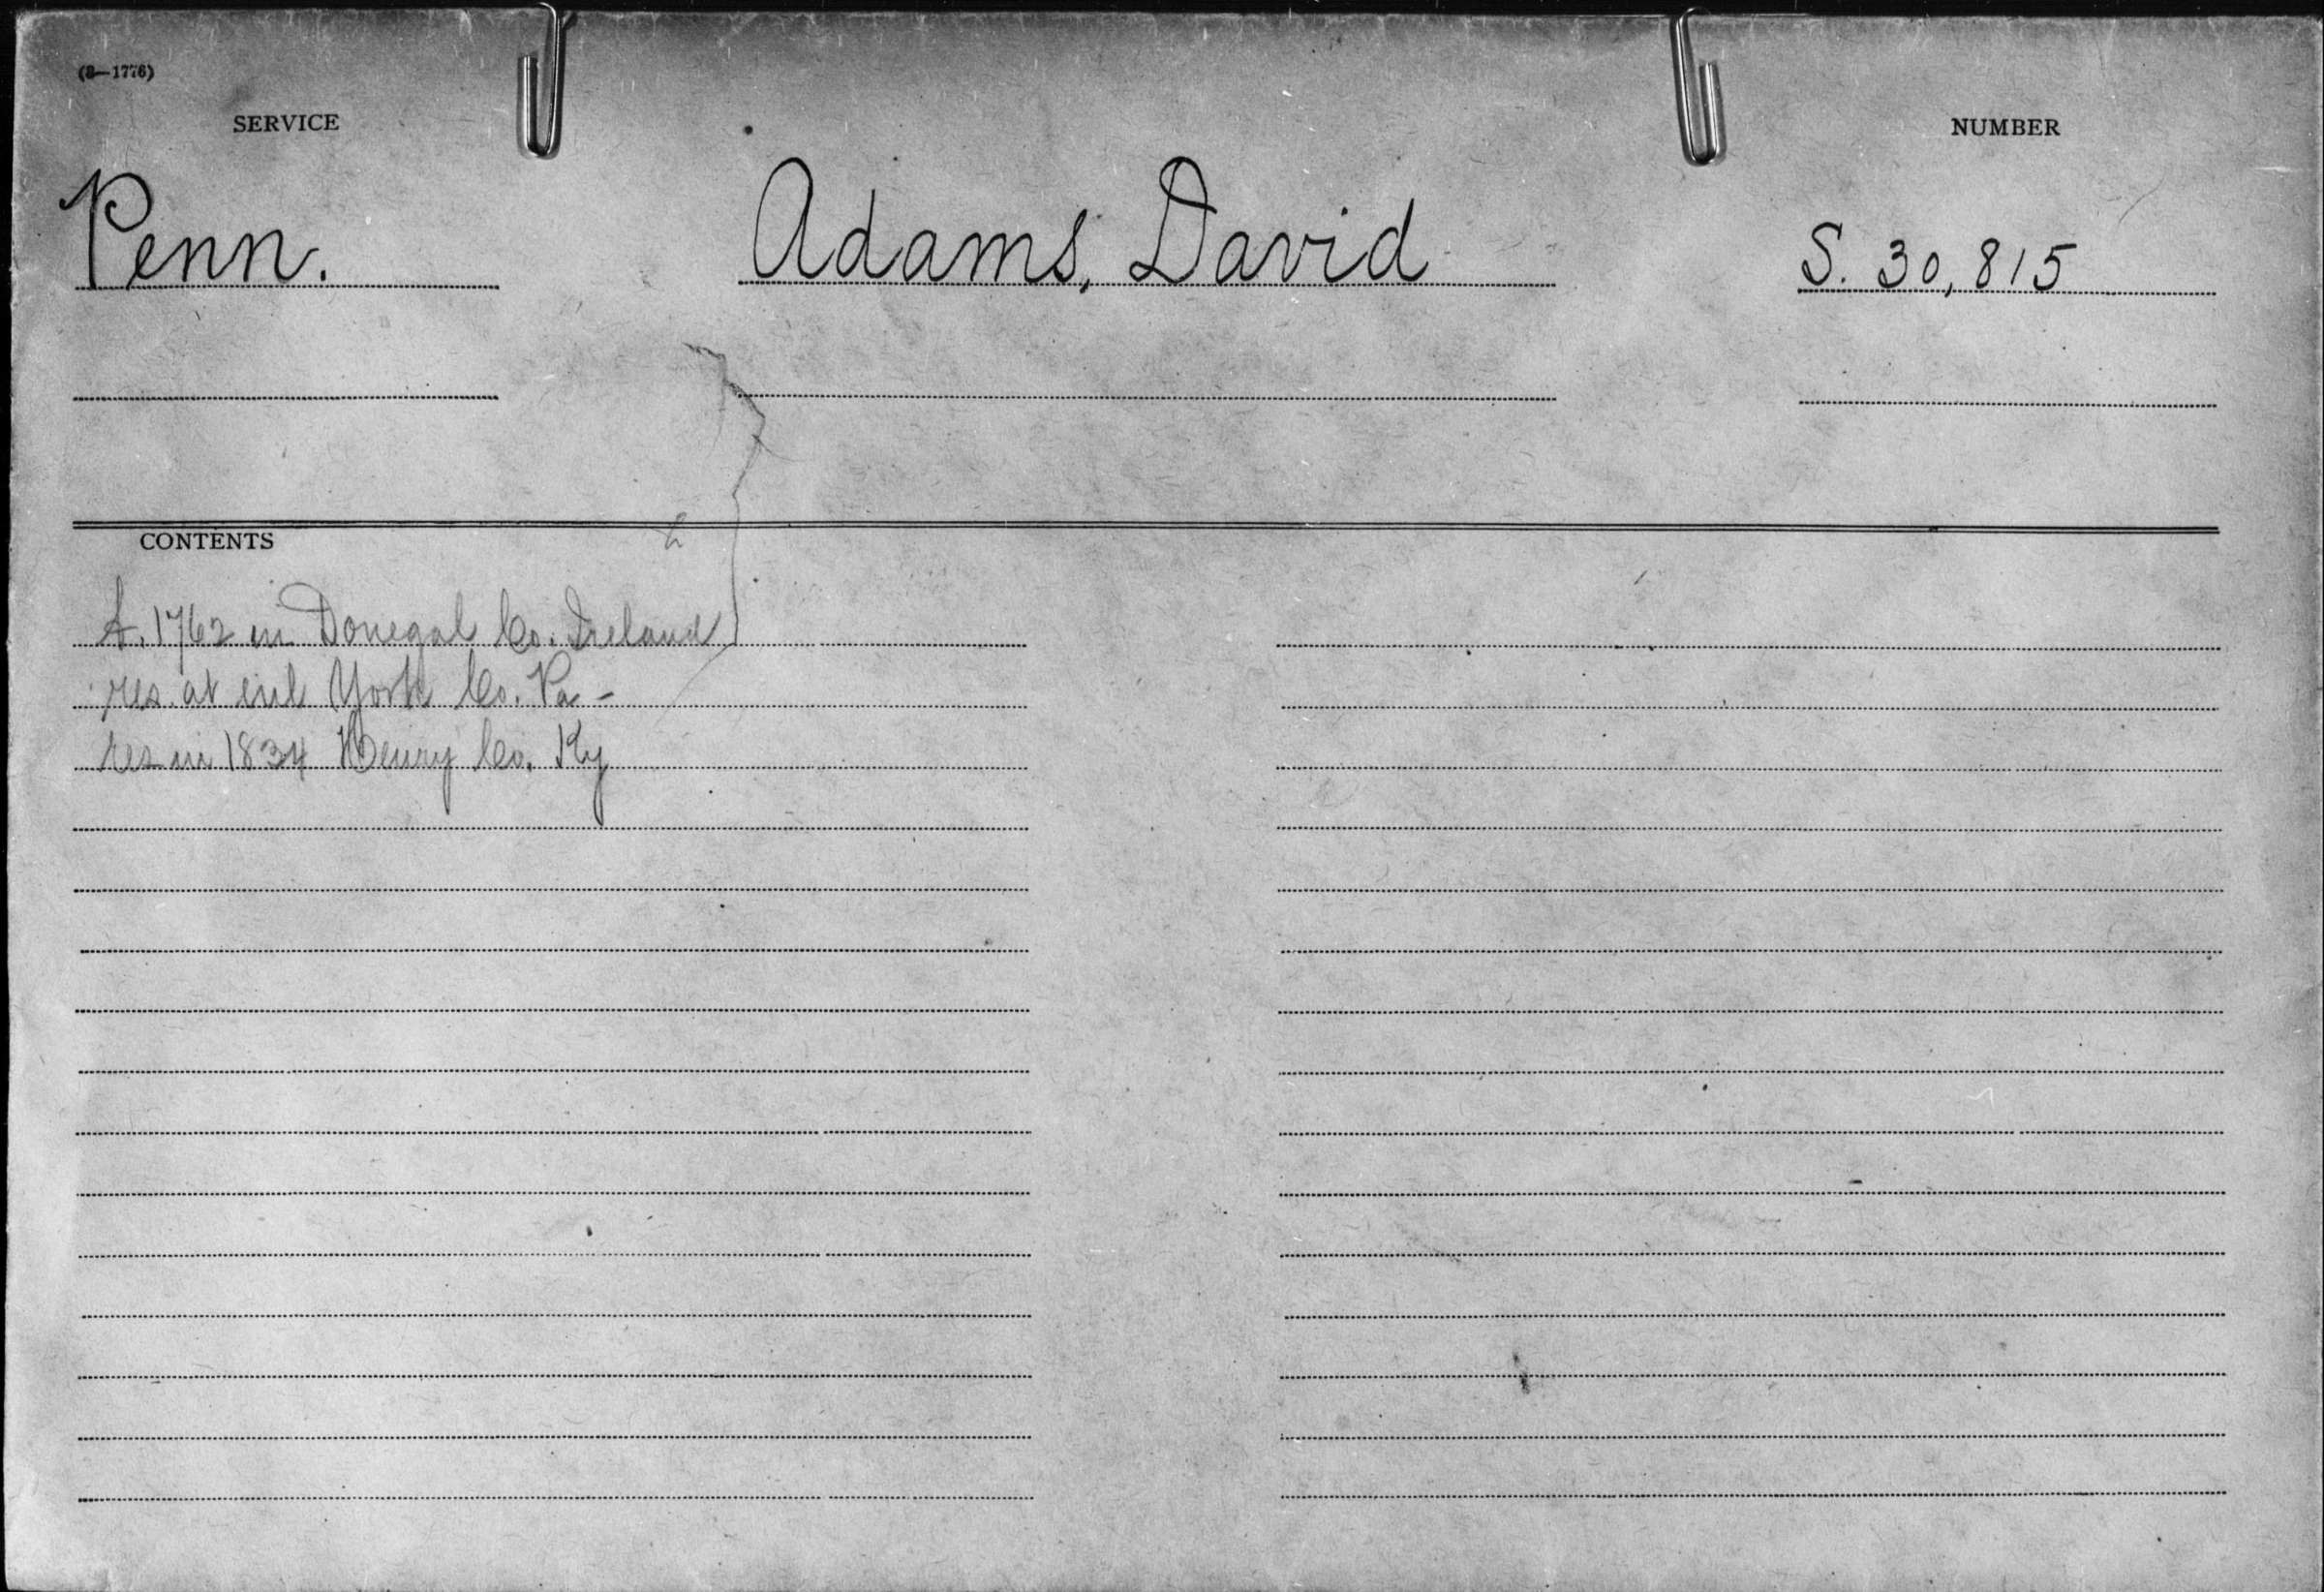[Printed]
(8-1776)
SERVICE    NUMBER

[Handwritten]
Penn
Adams, David
S. 30,815

[Printed]
CONTENTS

[Handwritten]
b. 1762 in Donegal Co. Ireland
res. at enl York Co. Pa -
res in 1834 Henry Co. Ky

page: 1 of 13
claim: survivor's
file: S 30,815, David Adams, Penn.